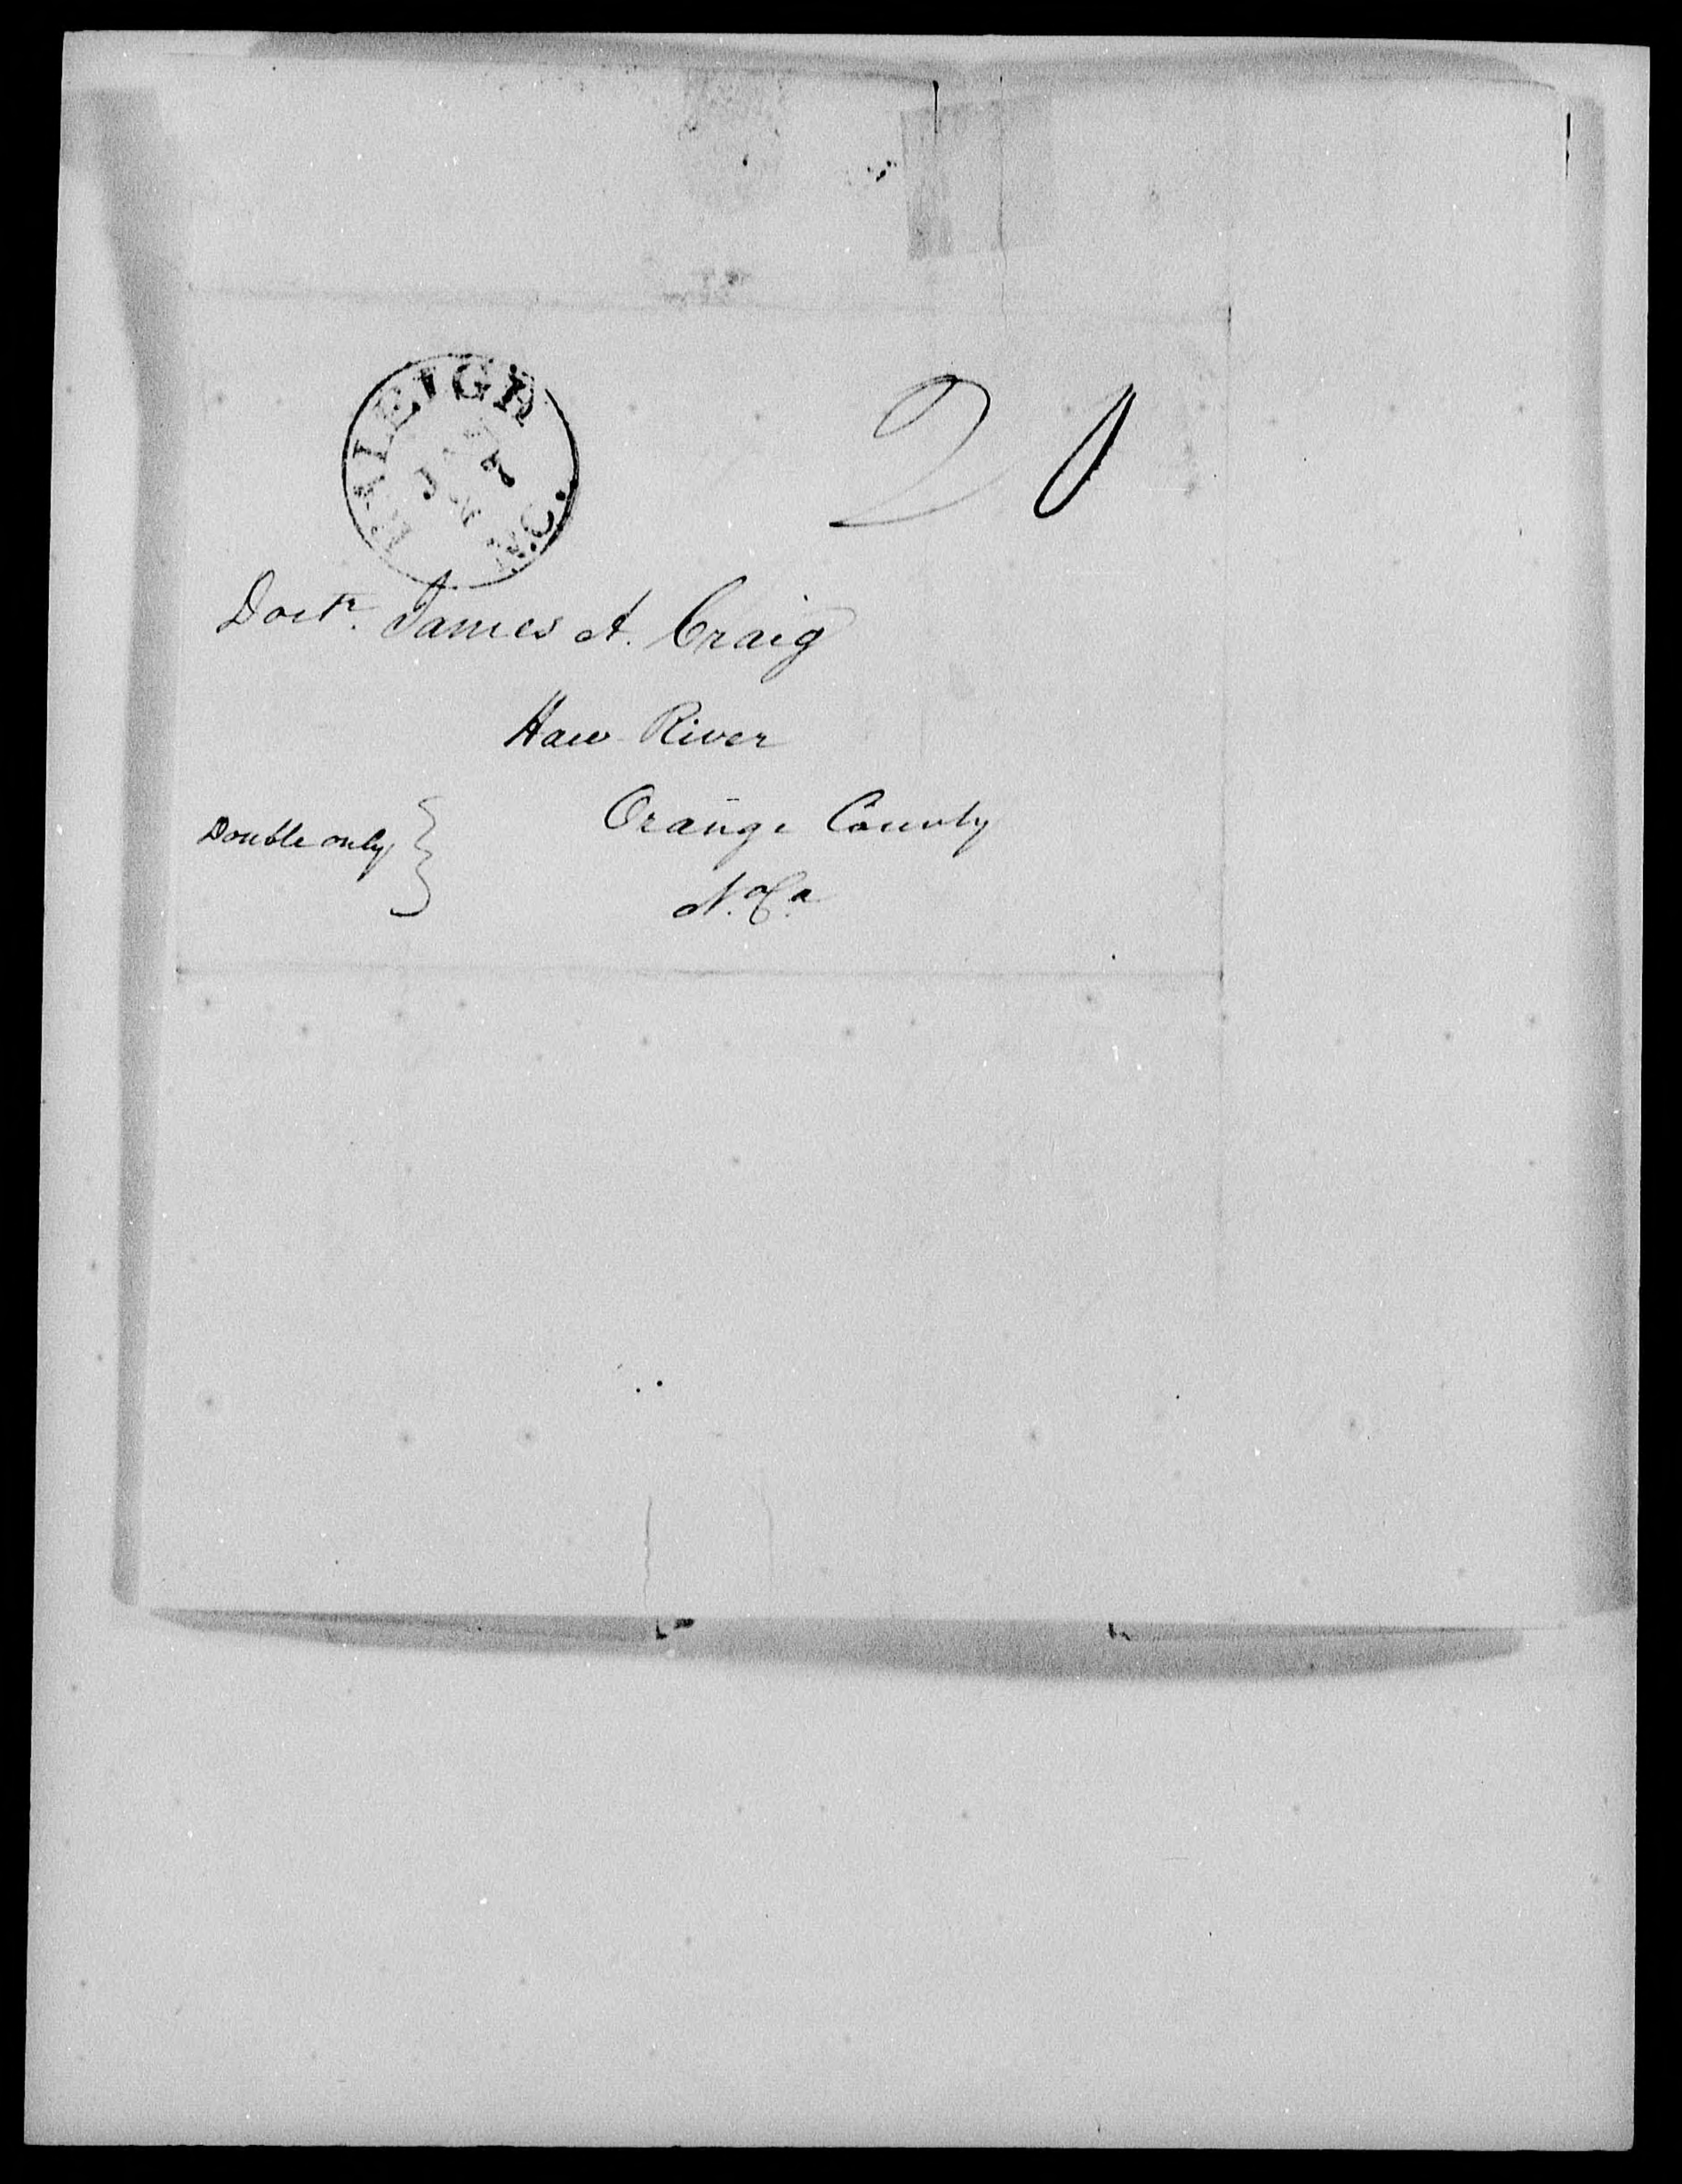[Round stamped postmark, with handwritten address]

[Postmark:] RALEIGH N.C. JAN 27

[There is a large handwritten number "20" to the right side of the postmark.]

Doctr. [Doctor] James A. Craig
Haw River
Orange County
N. Ca. [North Carolina] 

[Near the left bottom corner, there is handwritten:] "Double only" [with a bracket to the right side.]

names: James A Craig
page: 119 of 145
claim: survivor's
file: S. 8265, William Cumming, N.C.